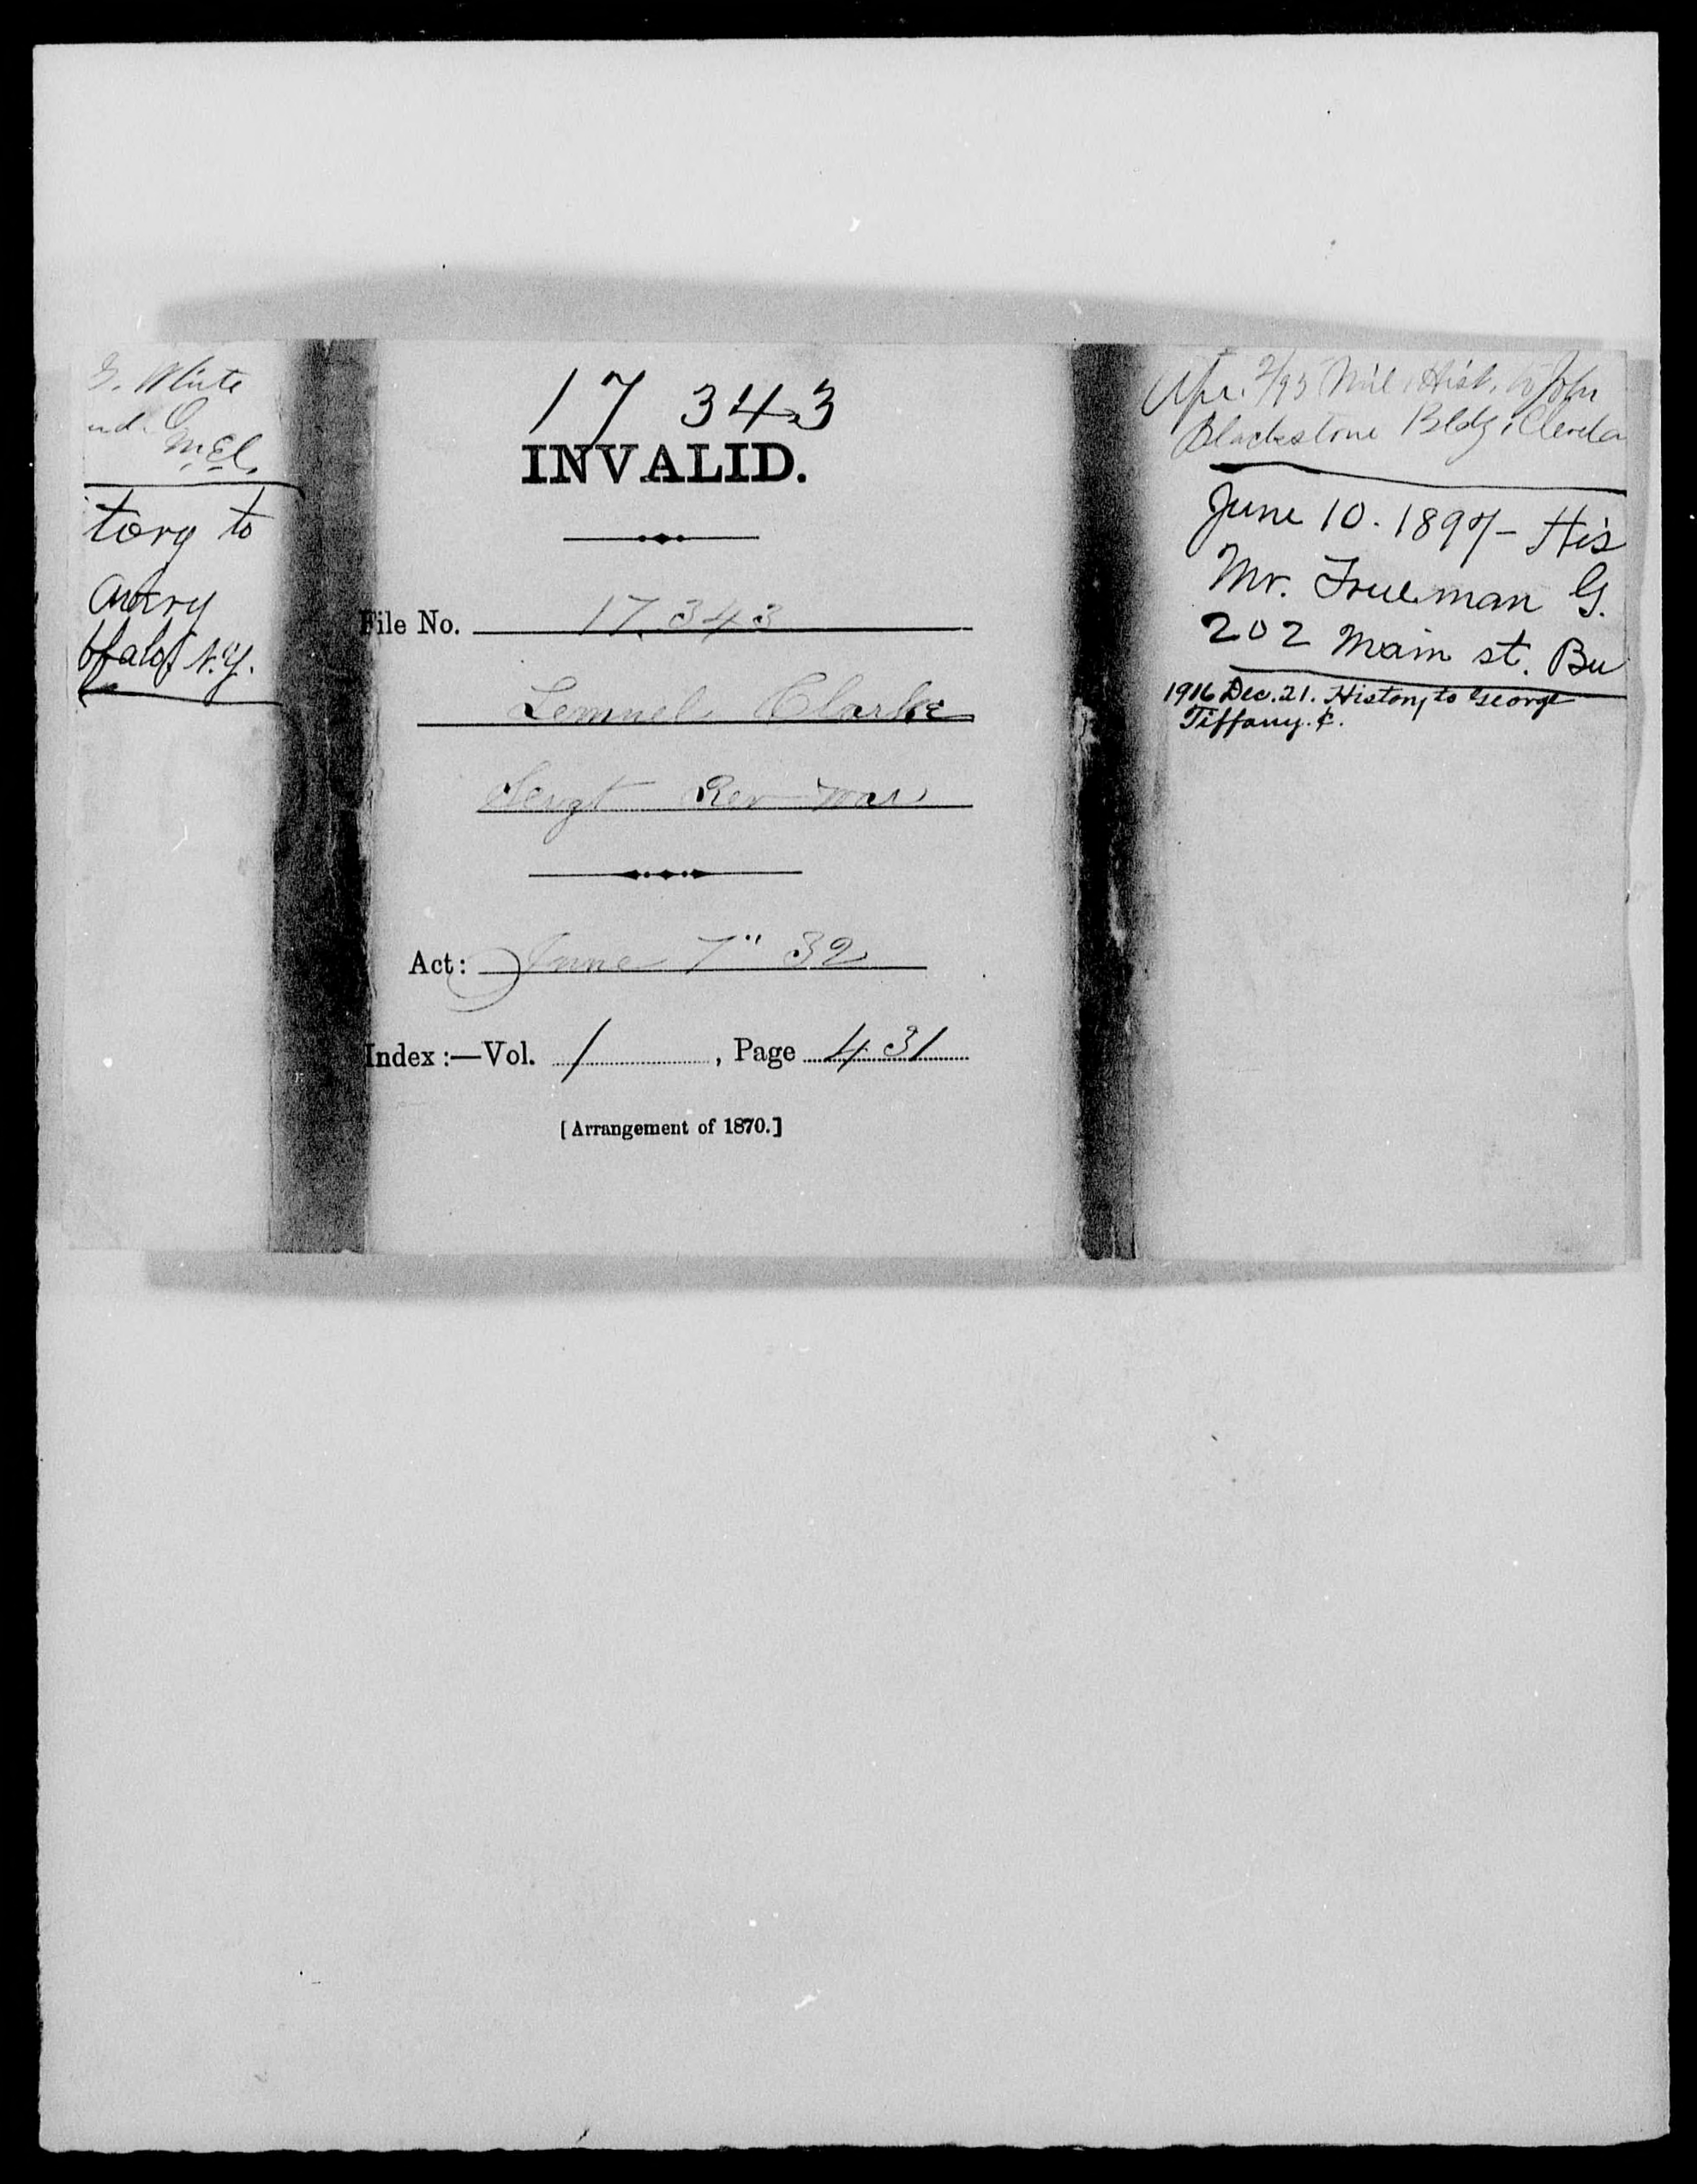[this is a left and right page. the right page is split so that is surrounds the left page, which appears to be in the center]

[left page]
17, 343
INVALID
File No. 17343
Lemuel Clarke
Sergt Rev War
Act: June 7" 32
Index:= Vol 1, Page 431
{Arrangement of 1870}

[right page]
Apr 2/93 Mil Hist to John G. White
Blackstone Bldg Cleveland O
------
June 10 1897 - His tory to Mr. Freeman G. Amory
202 Main St Buffalo NY
---
1916 Dec 21 History to George Tiffany F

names: John Blackstone, G White, Lemuel Clarke, Trueman, George Tiffany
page: 25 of 48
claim: survivor's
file: S. 17343, Lemuel Clarke, Mass.